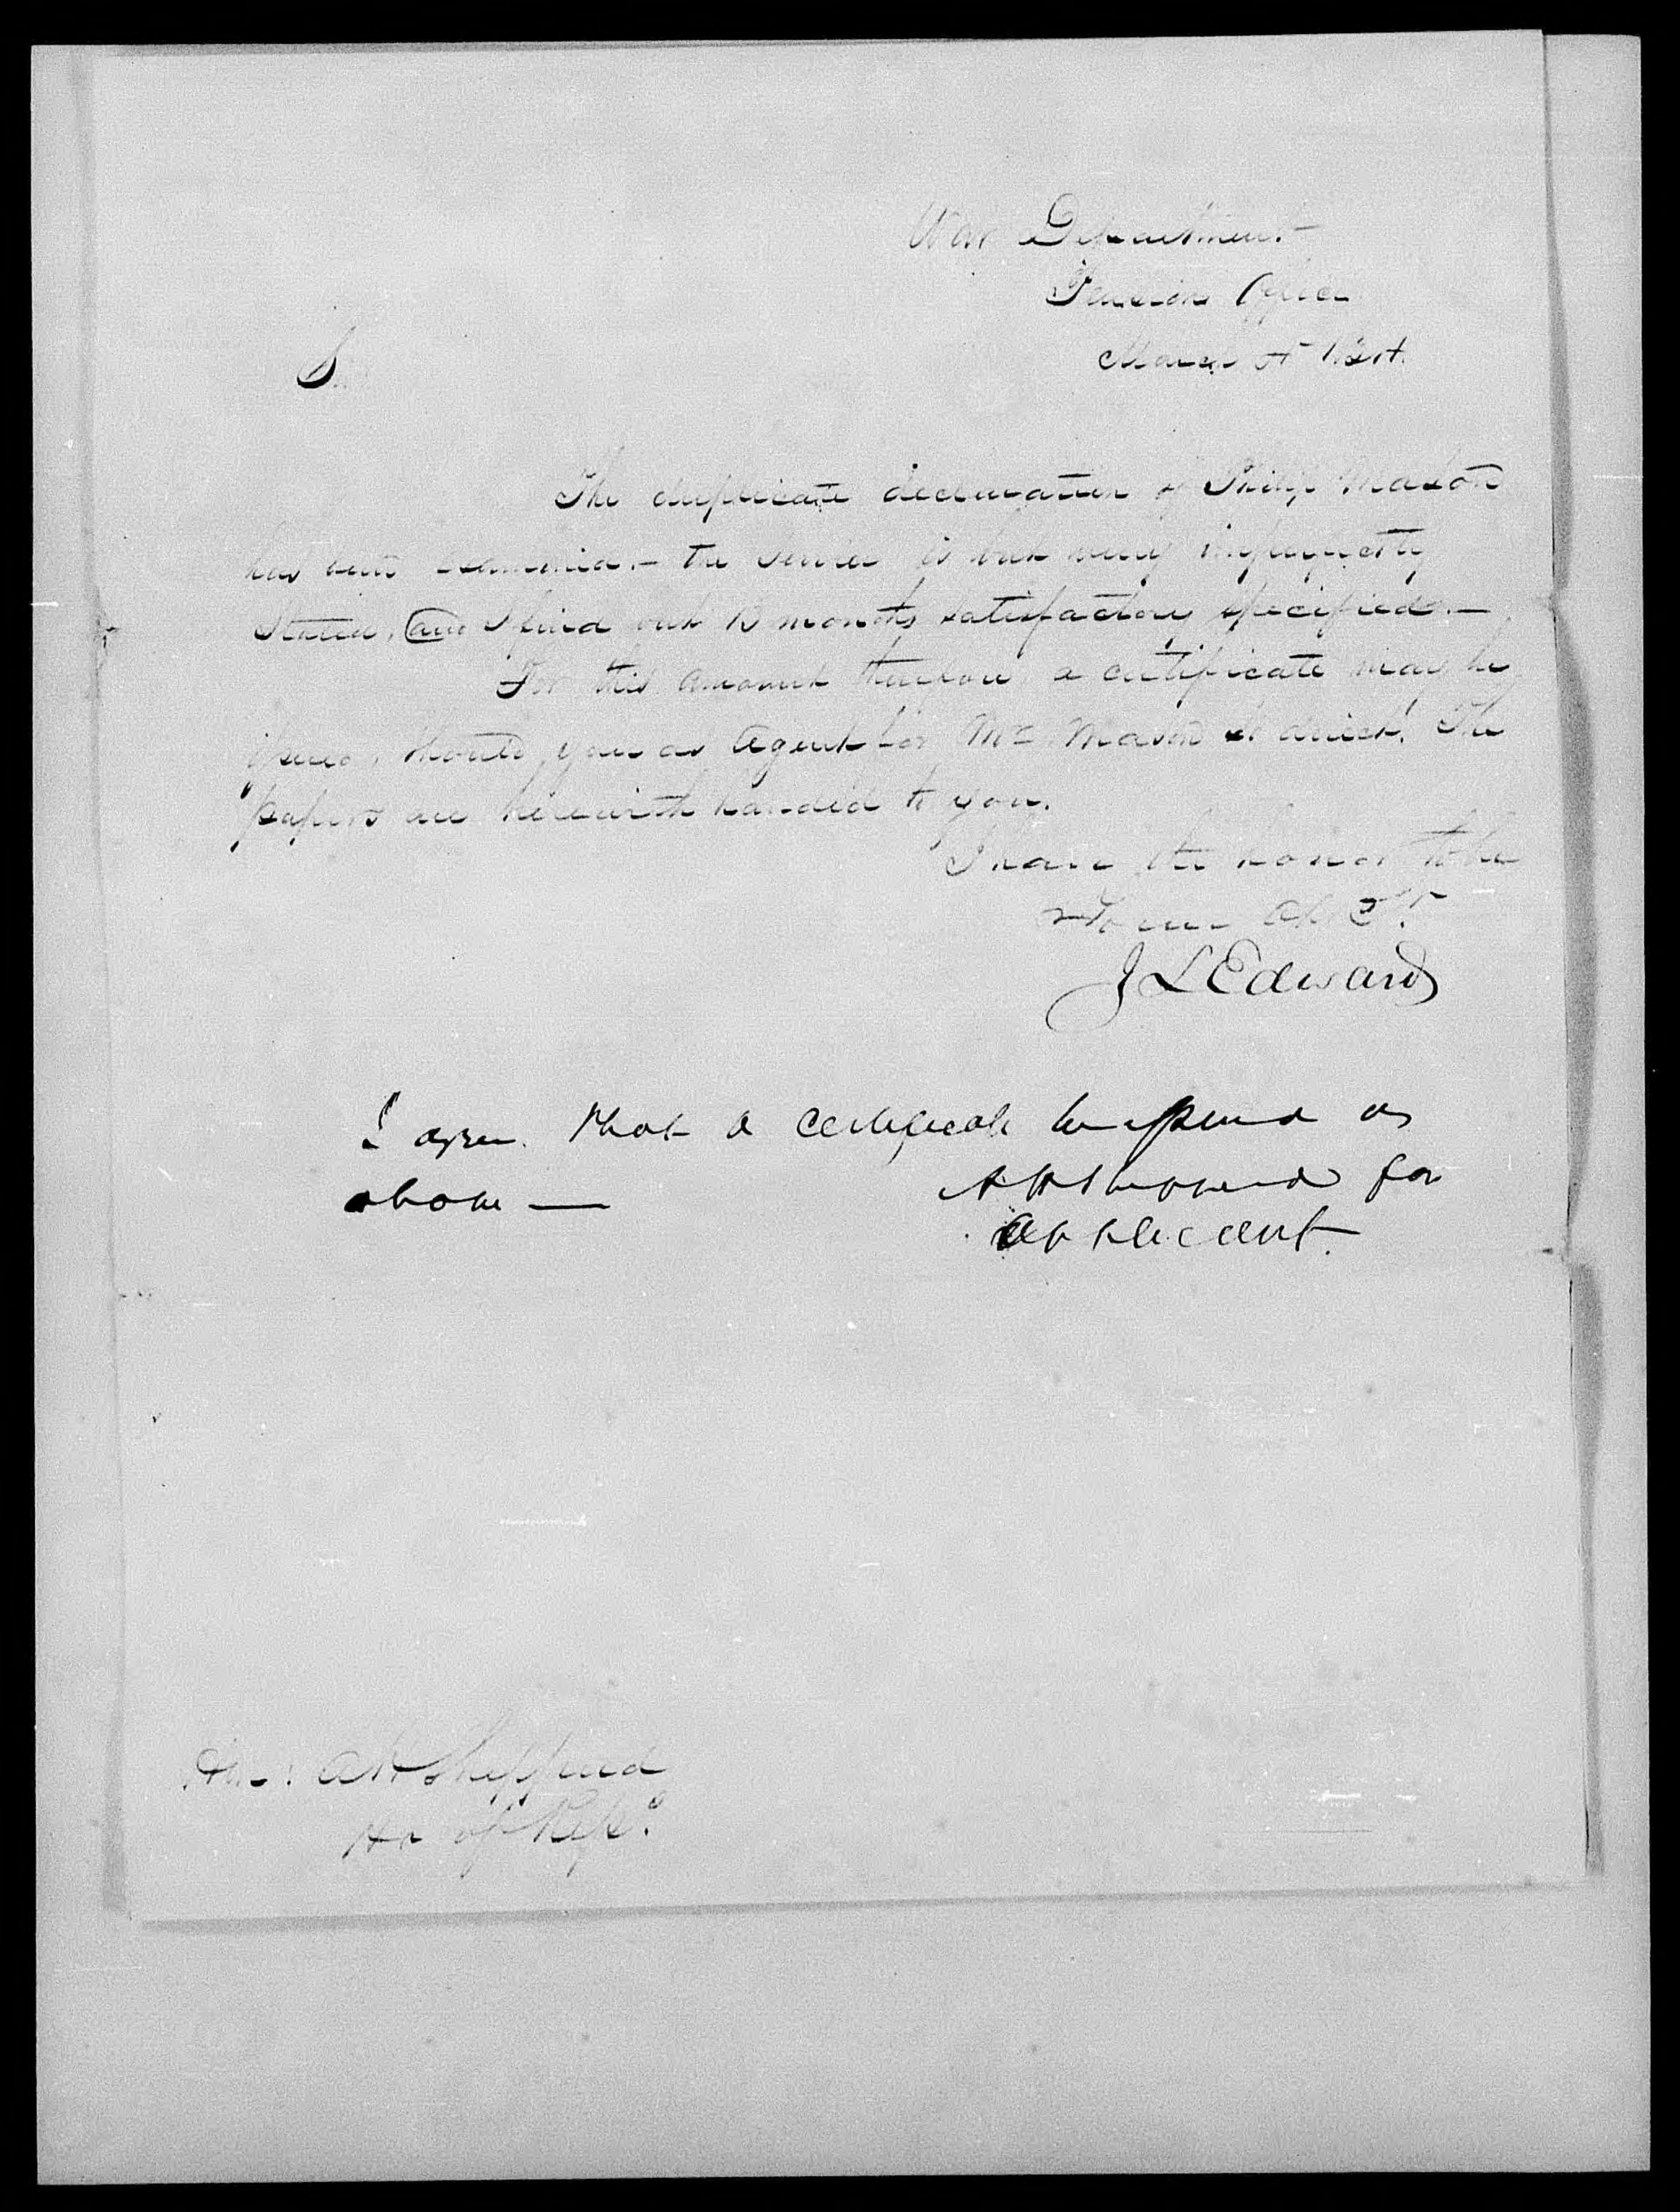War Department
Pension Office
March Illegible
S
The duplicate declaration of Philip Mason illegible. The service is as illegible satisfactory specified. For this amount therefore a certificate may be illegible. The papers are herewith handed to you.
I have the illegible
J L Edwards
Illegible, That a certificate illegible as above
Illegible
A.H. Sheppard
HR office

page: 18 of 18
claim: survivor's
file: S. 8,994, for Philip Mason, North Carolina